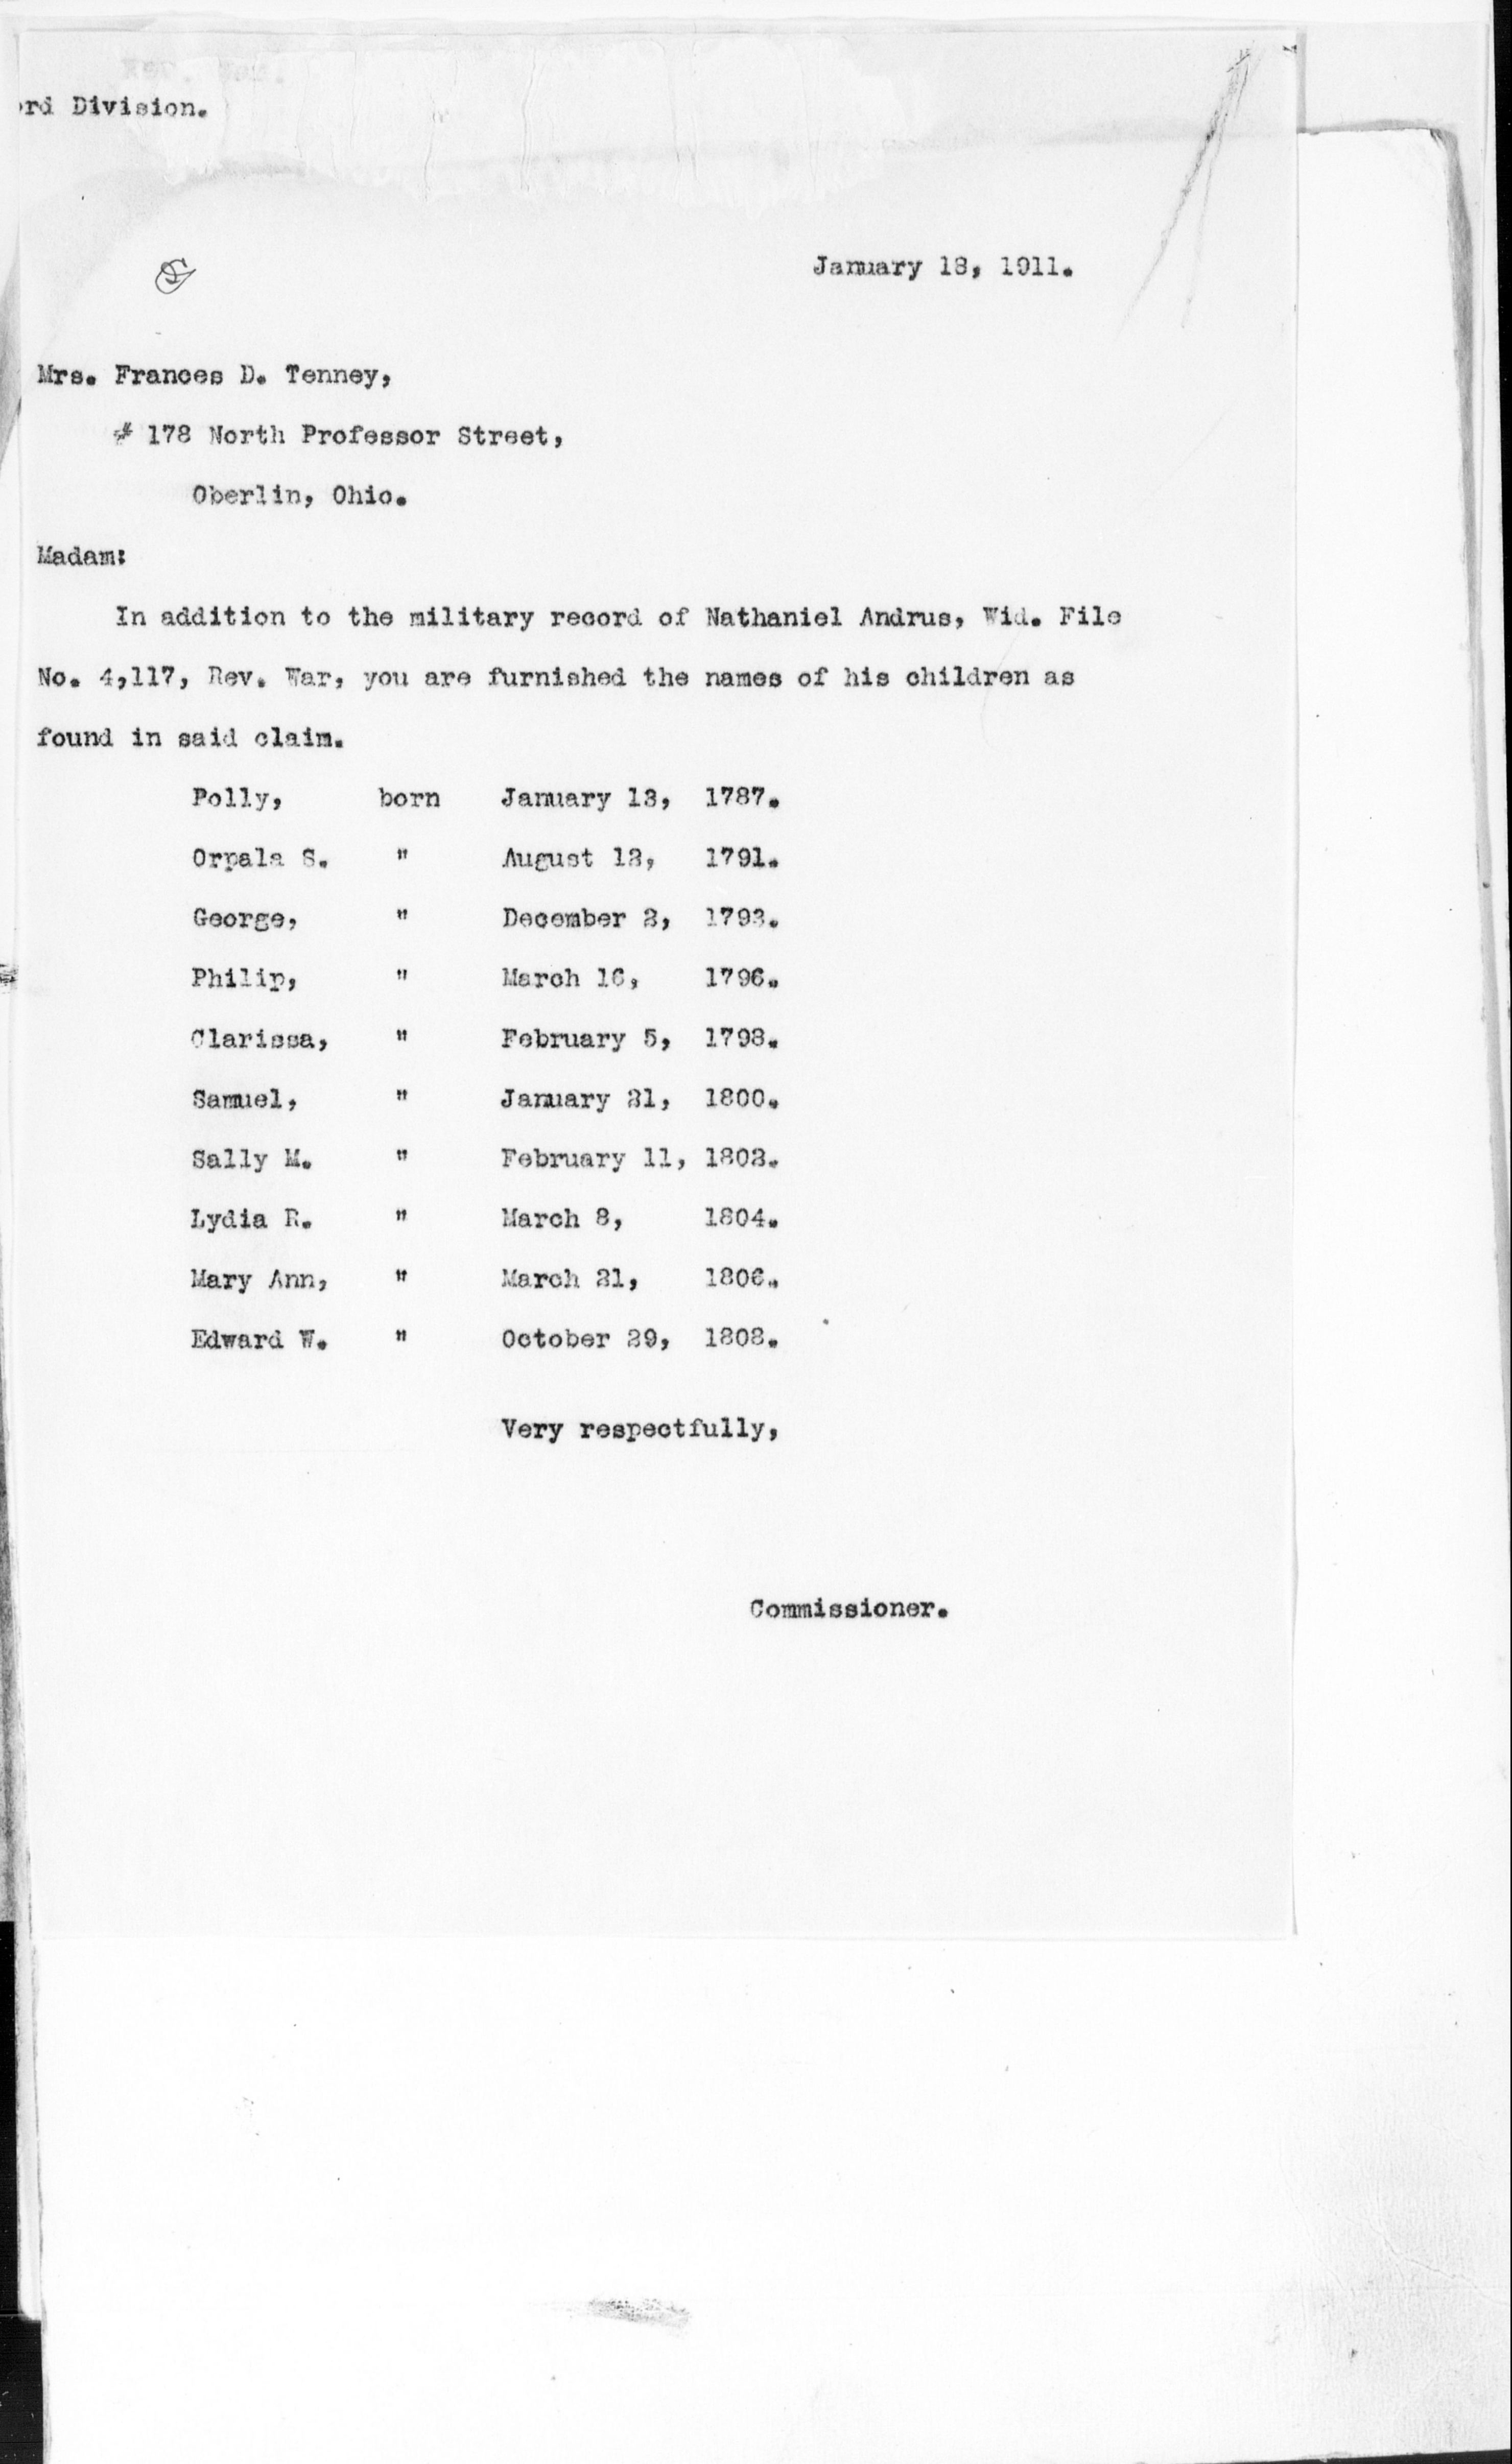ord Division.
January 18, 1911.
Mrs. Frances D. Tenney,
178 North Professor Street,
Oberlin, Ohio.
Madam;
In addition to the military record of Nathaniel Andrus, Wid. File
No. 4,117, Rev. War, you are furnished the names of his children as
found in said claim,
Polly, born January 13, 1787.
Orpala S. " August 18, 1791.
George, " December 8, 1793.
Philip, " March 16, 1796.
Clarissa, " February 5, 1798, 
Samuel, " January 21, 1800
Sally M. " February 11, 1802.
Lydia R. " March 8, 1804.
Mary Ann, " March 21, 1806.
Edward W. " October 29, 1808.
Very respectfully,
Commissioner.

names: Lydia R, Polly, Frances D Tenney, Edward W, Sally M, George, Philip, Clarissa, Samuel, Nathaniel Andrus, Mary Ann, Orpala S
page: 77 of 78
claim: widow's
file: W. 4117, Nathaniel Bradley, Conn.